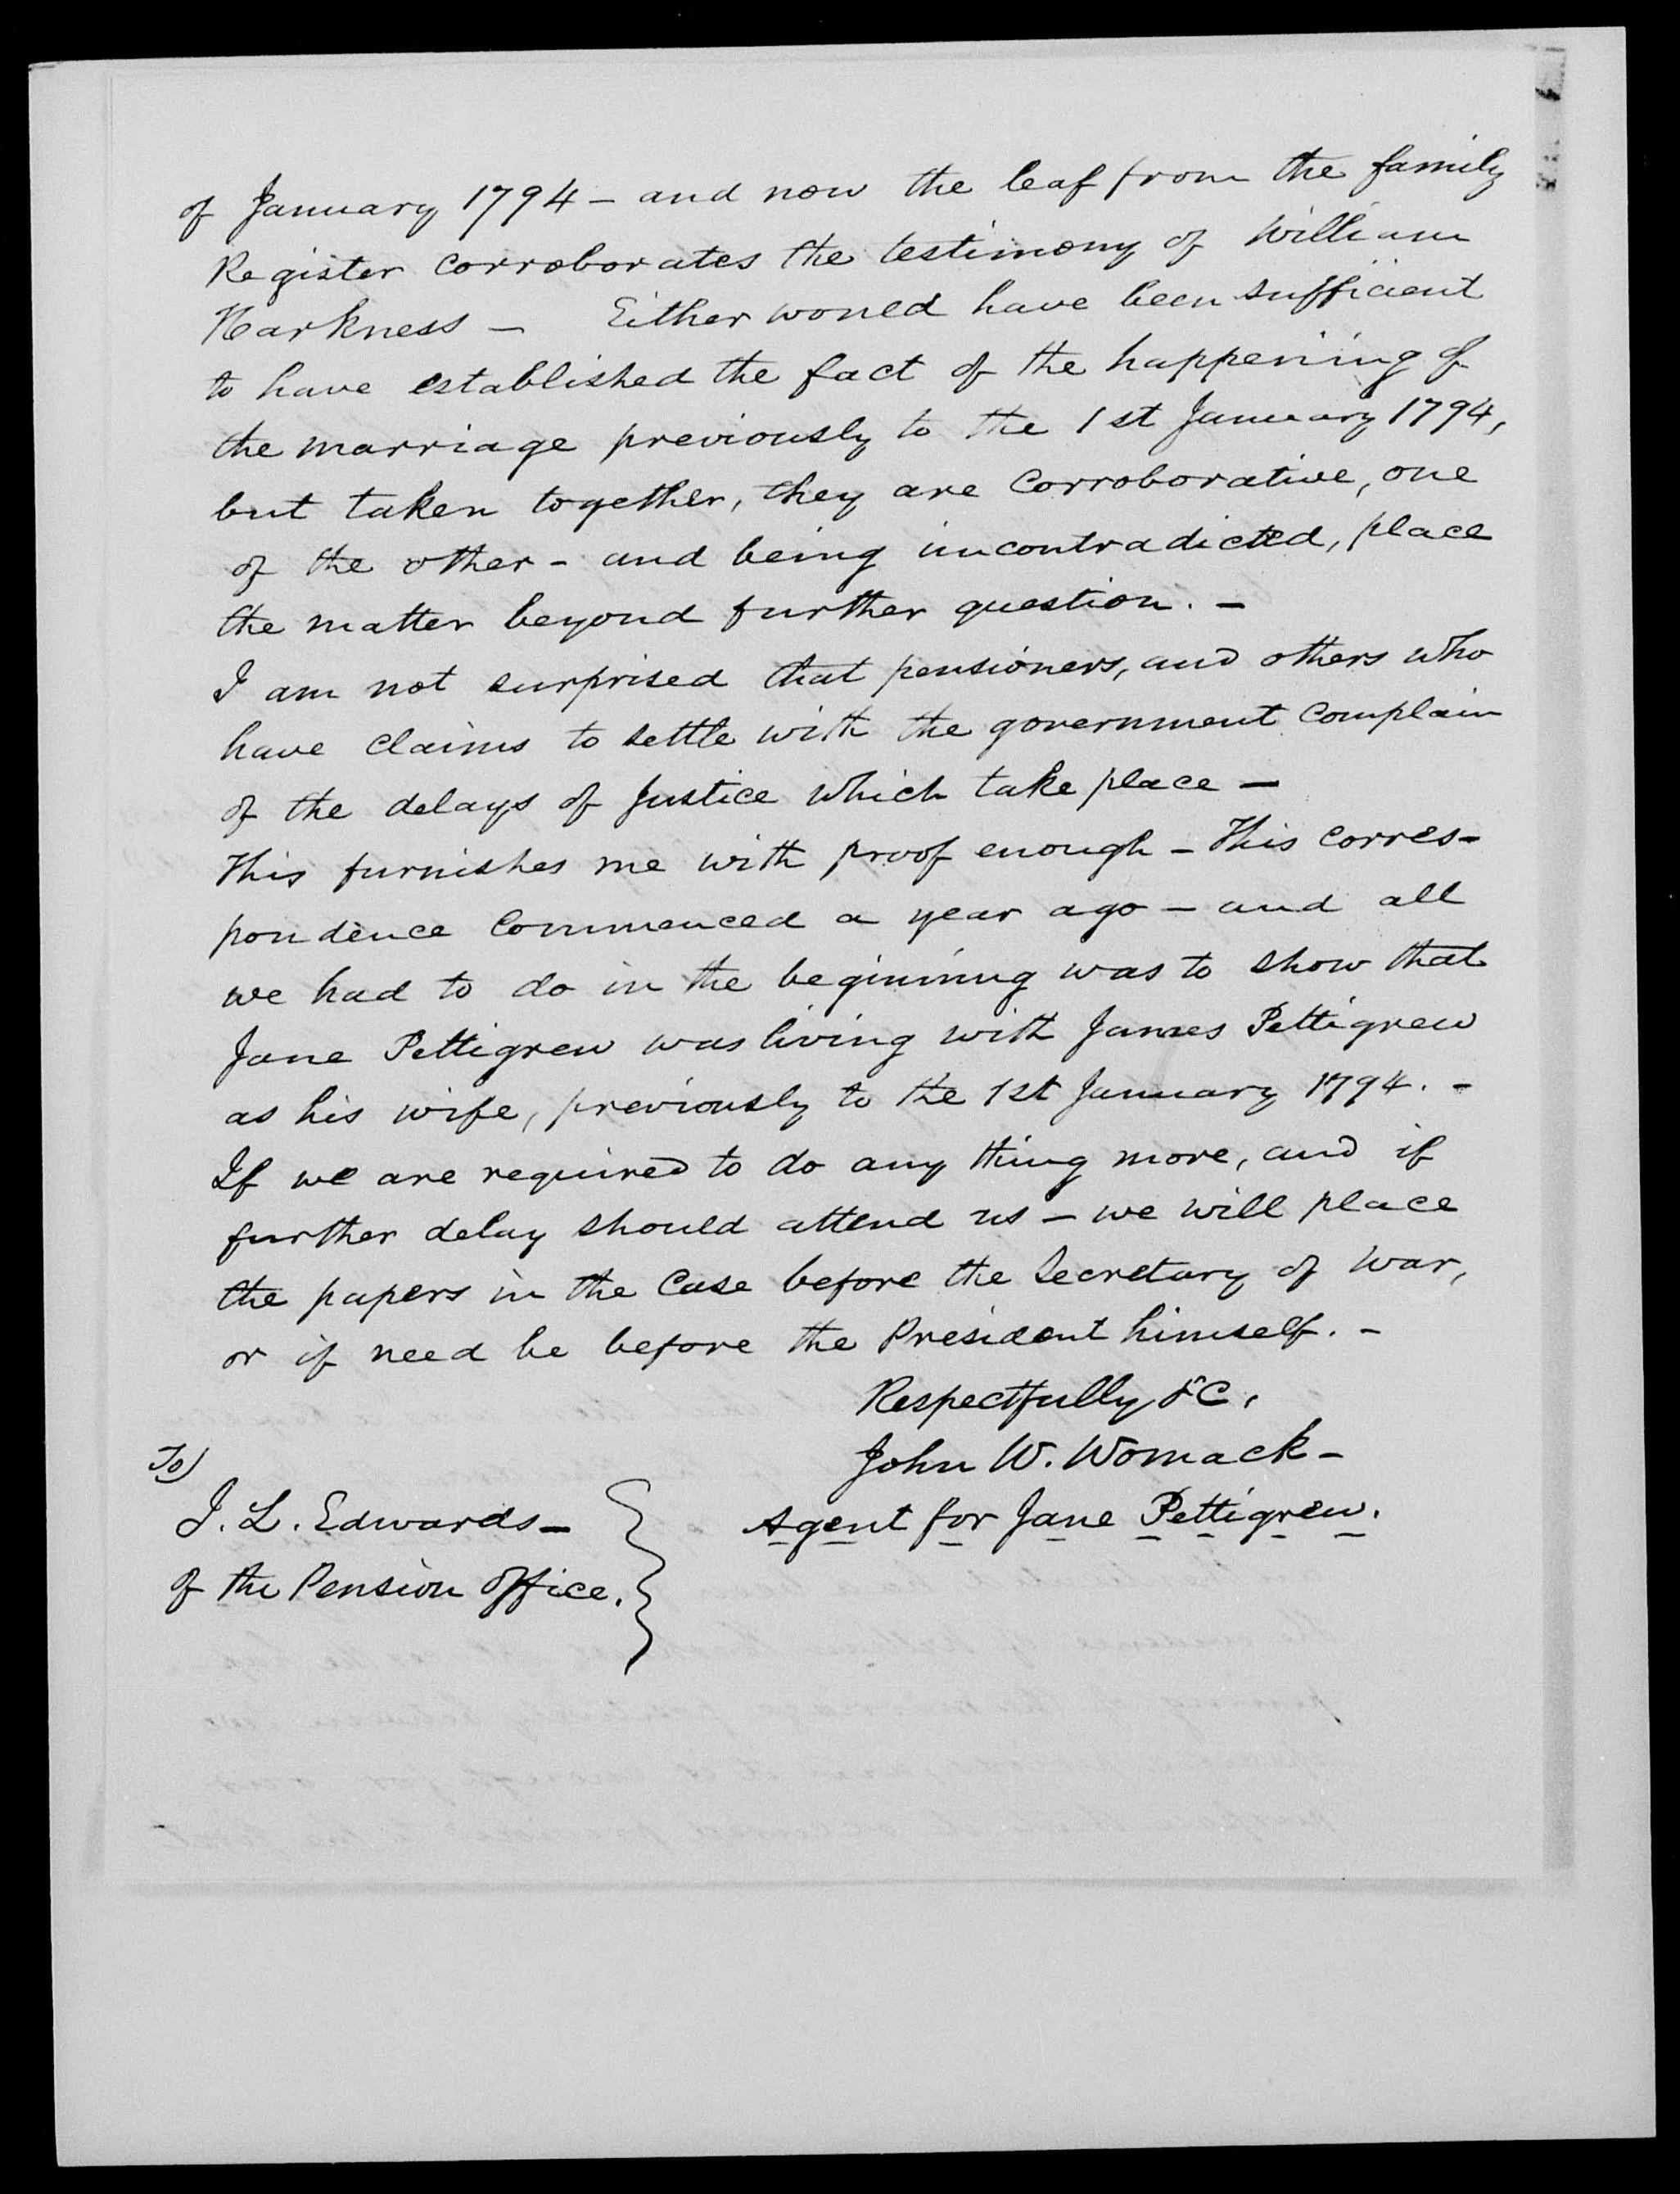of January 1794 - and now the leaf from the family Register corroborates the testimony of William Harkness - Either would have been sufficient to have established the fact of the happening of the marriage previously to the 1st January 1794, but taken together, they are corroborative, one of the other - and being uncontradicted, place the matter beyond further question. -
I am not surprised that pensioners, and others who have claims to settle with the government complaint of the delays of justice which take place -
This furnishes me with proof enough - This correspondence commenced a year ago - and all we had to do in the beginning was to whom that Jane Pettigrew was living with James Pettigrew as his wife, previously to the 1st January 1794. -
If we are required to do any thing more, and if further delay should attend us - we will place the papers in the case before the Secretary of War, or if need be before the President himself. -
Respectfully jc,
John W. Womack -
Agent for Jane Pettigrew.

To 
J. L. Edwards -
of the Pension Office.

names: J L Edwards; William Harkness; Jane Pettigrew; John W Womack; James Pettigrew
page: 40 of 92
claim: widow's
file: W. 5522, for James Pettigrew, South Carolina